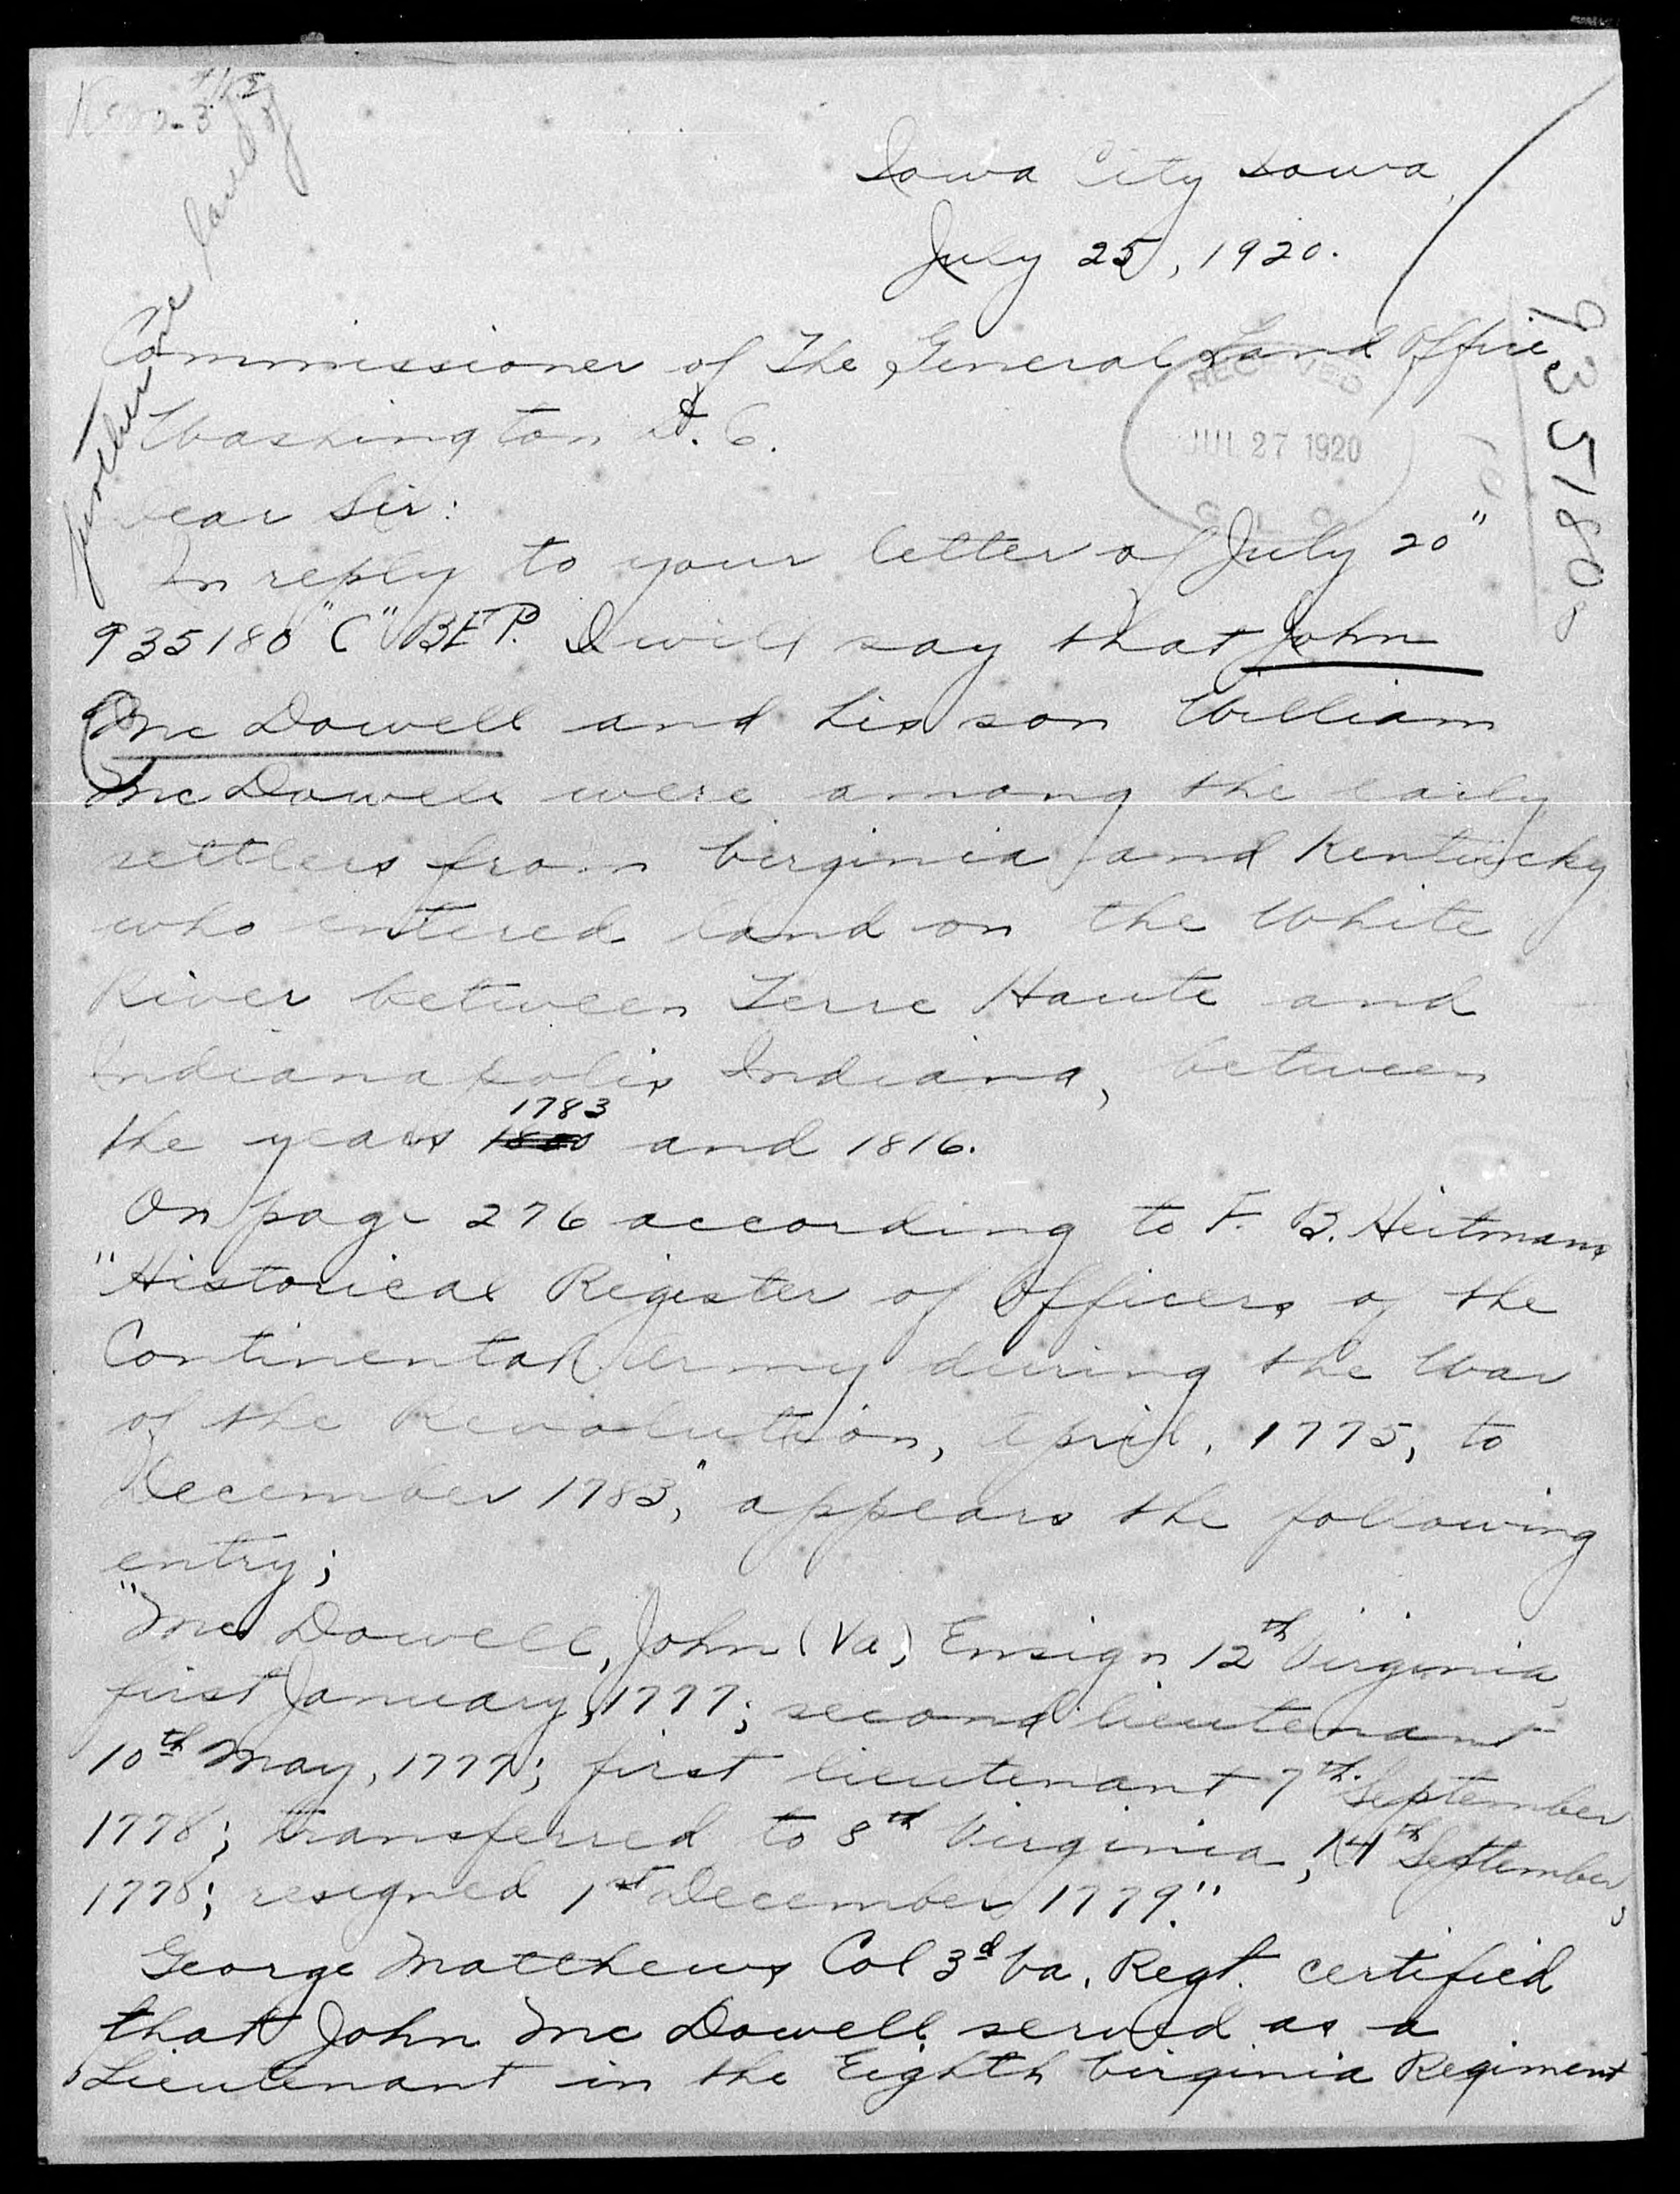Iowa City Iowa
July 25, 1920.
further me land of
Commissioner of The General Land Office
Washington, D.C.
Dear Sir:
In reply to your letter of July 20" 935180 "C" BEP. I will say that John McDowell and his son William McDowell were among the early settlers from Virginia and Kentucky who entered land on the White River between Terre Haute and Indianapolis Indiana, between the year 1783 and 1816.
On page 276 according to F. B. Heitmans "Historical Register of Officers of the Continental Army during the War of the Revolution, April, 1775 to December 1783," appears the following entry;
"McDowell, John (Va) Ensign, 12th Virginia first January 1777; second lieutenant 10th May, 1777; first lieutenant 7th September 1778; transferred to 8th Virginia, 14th September, 1778; resigned 1st December 1779."
George Matthews Col 3d Va, Regt. certified that John McDowell served as a Lieutenant in the Eighth Virginia Regiment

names: William Mc Dowell; John Mc Dowell; F B Heitman; George Matthews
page: 40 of 47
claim: survivor's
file: S. 30578, for John Mc Dowell, Virginia